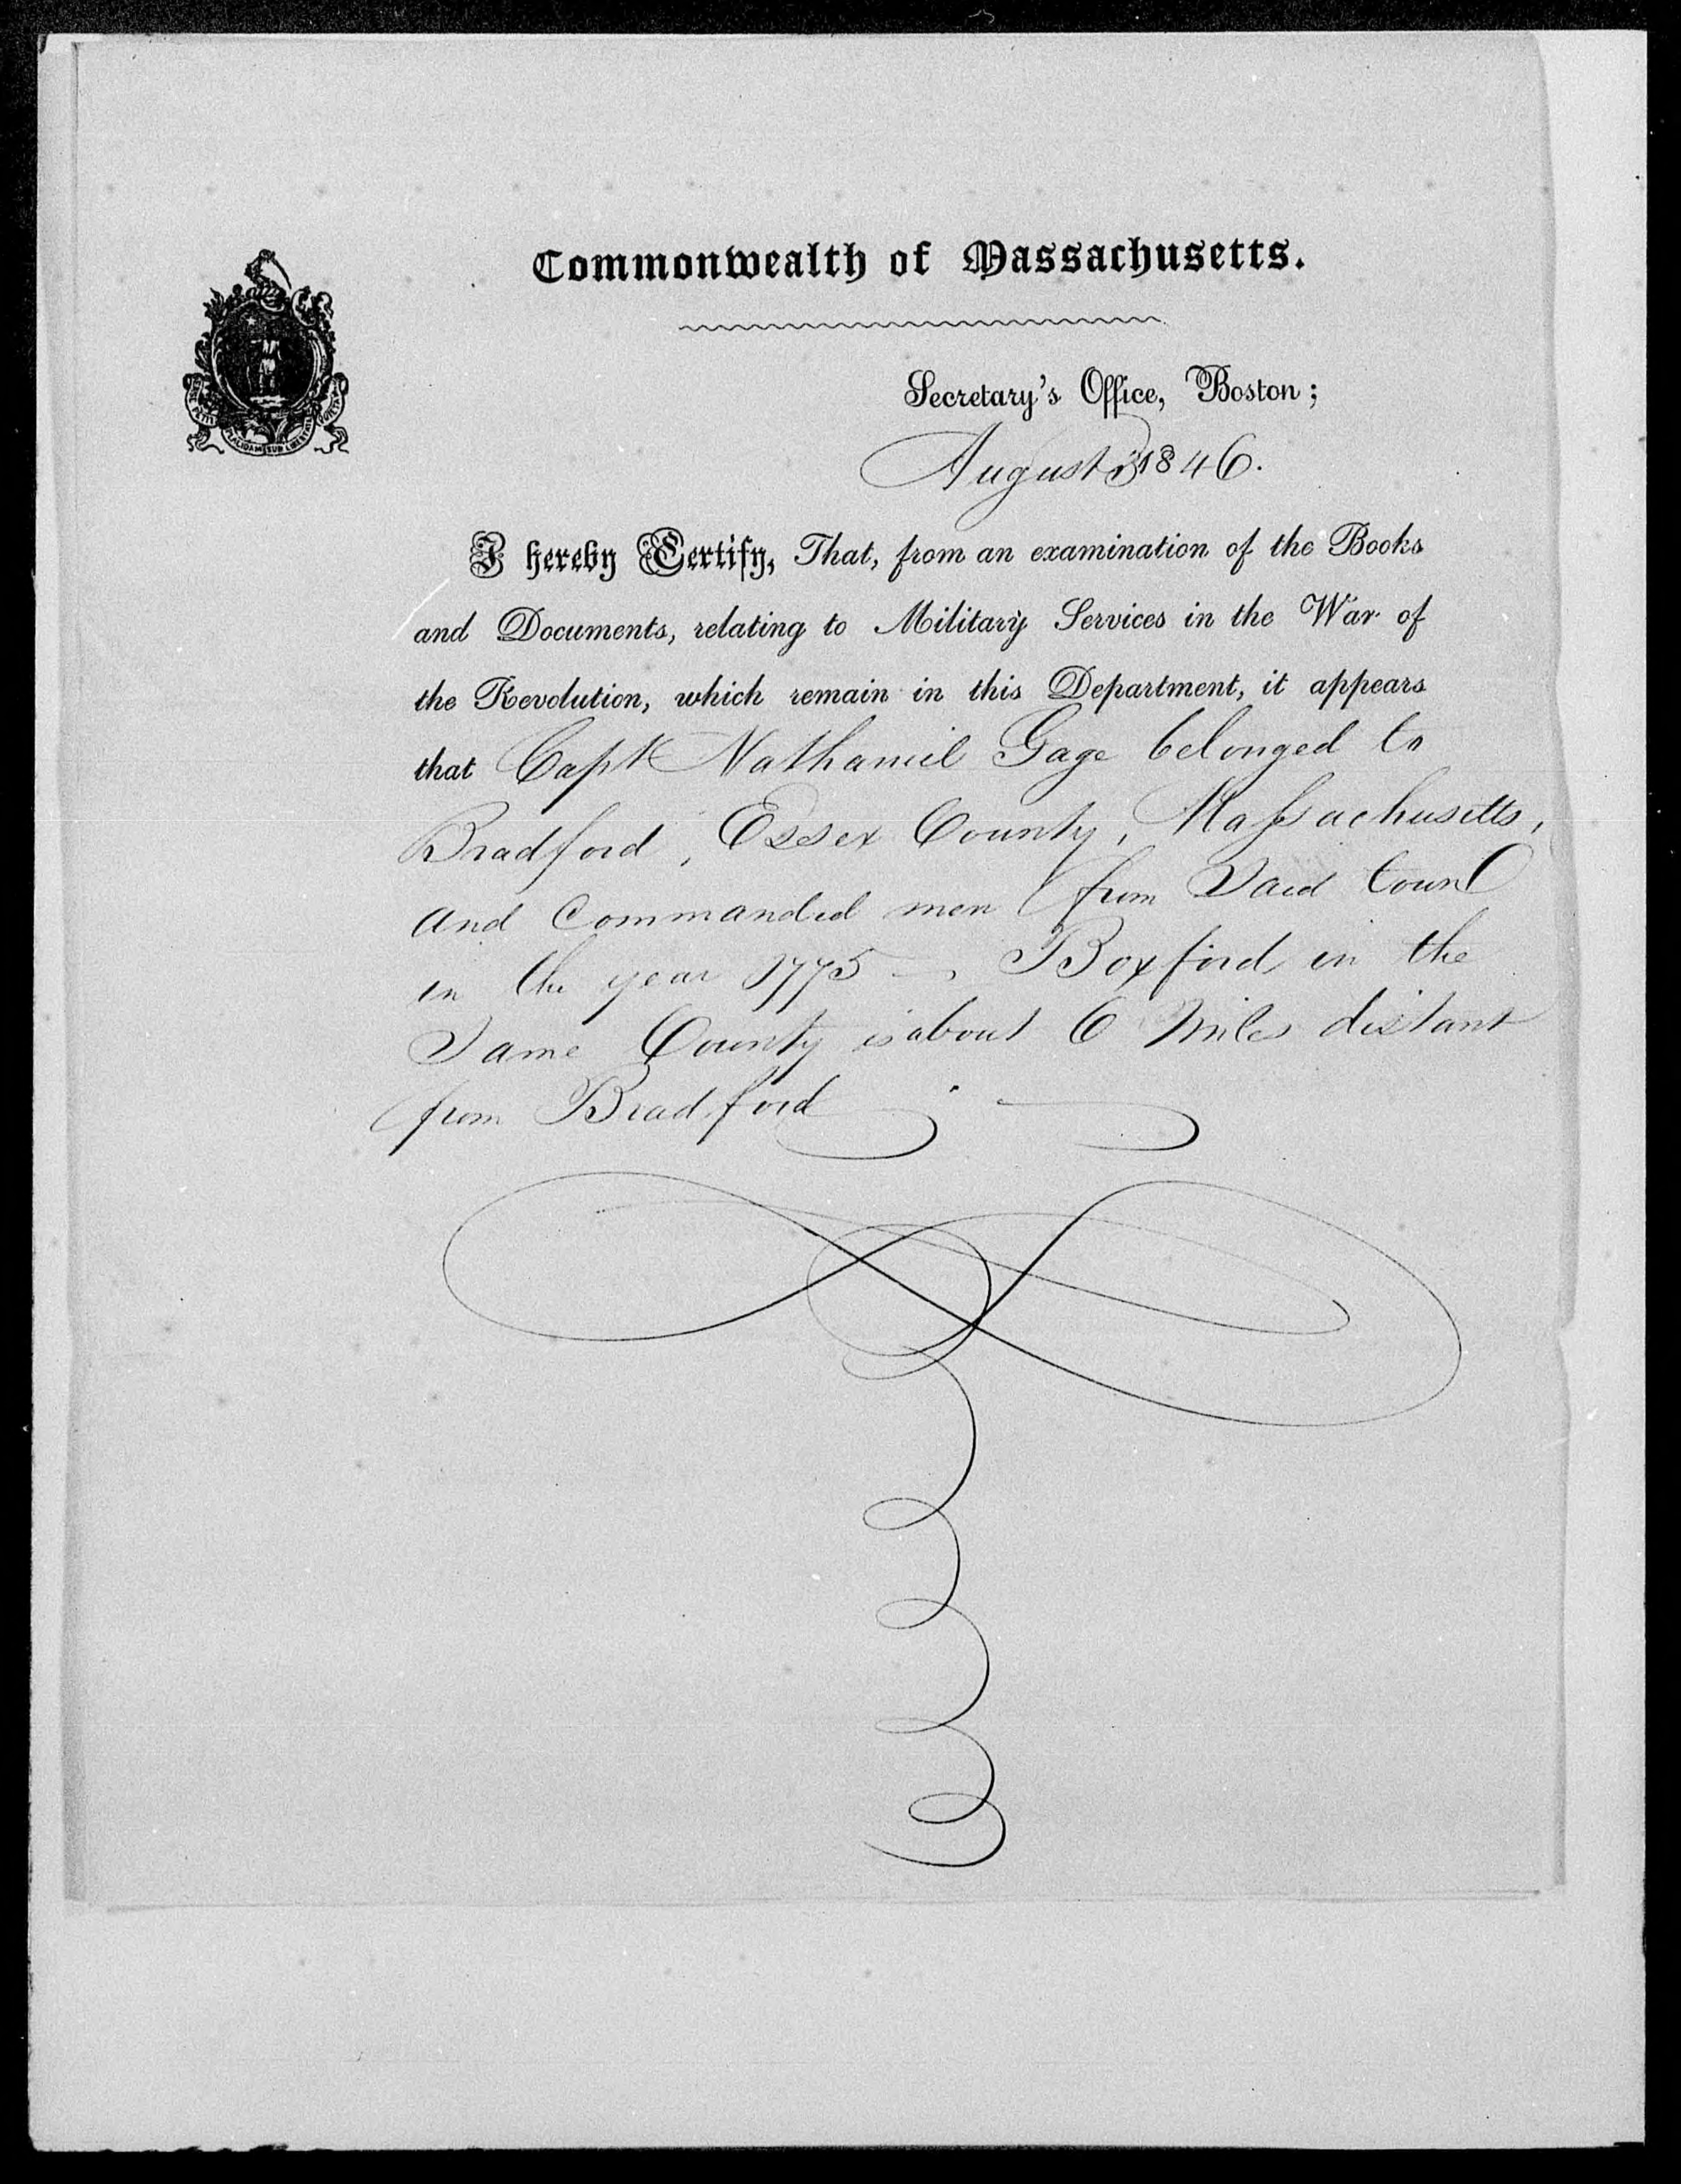Commonweath of Massachusetts
Secretary's Office, Boston;
August 3 1846
I herby Certify, that from an examination of the Books and Documents, relating to Military Services in the Ware of the Revolution, which remain in this Department, it appears that Capt Nathaniel Gage belonged to Bradford, Essex County, Massachusetts and commanded men from town in the year 1775 Boxford in the same county is about 6 miles distant from Bradford.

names: Nathaniel Gage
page: 47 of 67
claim: widow's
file: W. 23183, Jesse Hardy, Mass.